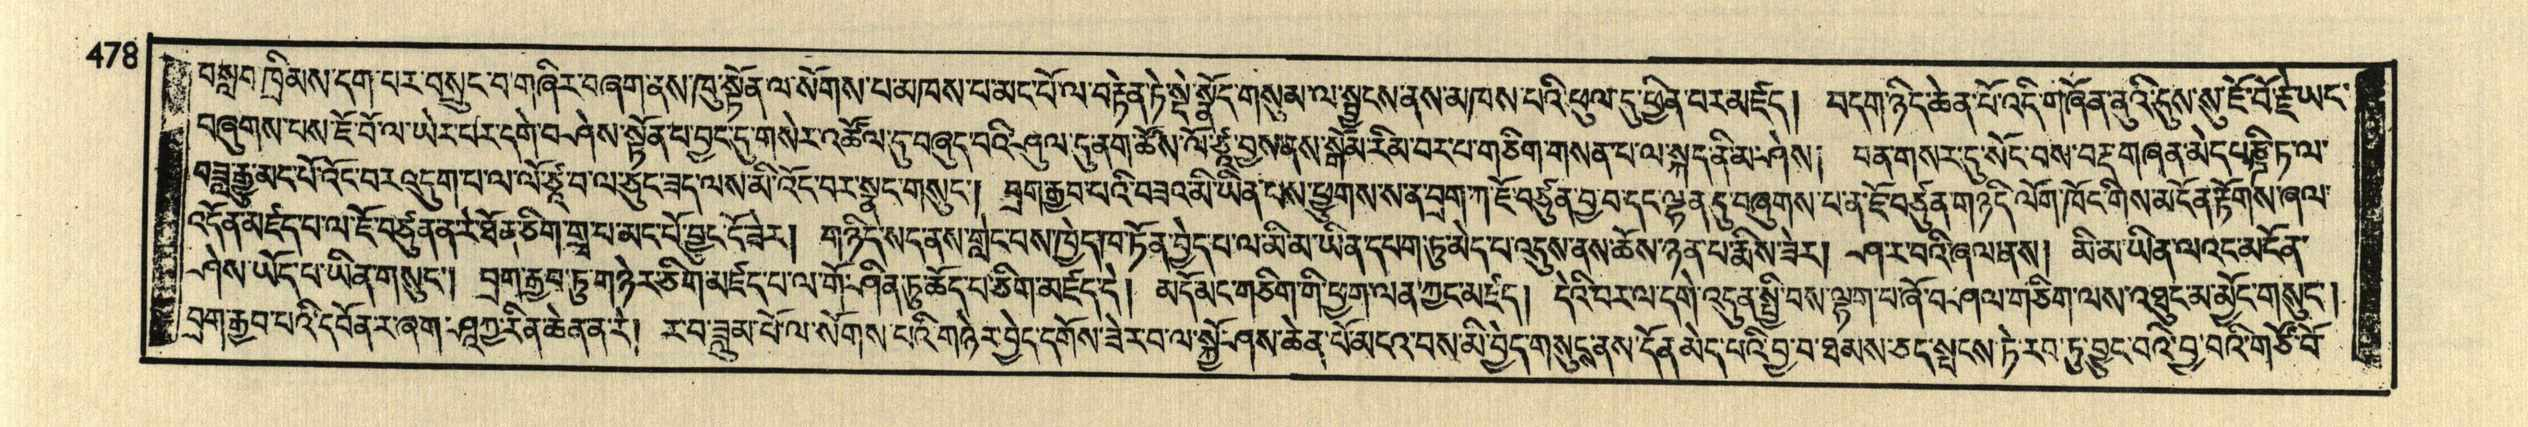བསླབ་ཁྲིམས་དག་པར་བསྲུང་བ་གཞིར་བཞག་ནས་ཁུ་སྟོན་ལ་སོགས་པ་མཁས་པ་མང་པོ་ལ་བརྟེན་ཏེ་སྡེ་སྣོད་གསུམ་ལ་སྦྱངས་ནས་མཁས་པའི་ཕུལ་དུ་ཕྱིན་པར་མཛད། བདག་ཉིད་ཆེན་པོ་འདི་གཞོན་ནུའི་དུས་སུ་ཇོ་བོ་རྗེ་ཡང་
བཞུགས་པས་ཇོ་བོ་ལ་ཡེར་པར་དགེ་བཤེས་སྟོན་པ་བྱང་དུ་གསེར་འཚོལ་དུ་བཞུད་པའི་ཤུལ་དུ་ནག་ཚོས་ལོ་ཙཱ་བྱས་ནས་སྒོམ་རིམ་བར་པ་གཅིག་གསན་པ་ལ་སྐད་ནི་མ་ཤེས། བན་གསར་དུ་སོང་བས་བརྡ་གཞན་མེད་པཎྜི་ཏ་ལ་
བཟླ་རྒྱུ་མང་པོ་འོང་བར་འདུག་པ་ལ་ལོ་ཙཱ་བ་ལ་ཅུང་ཟད་ལས་མི་འོང་བར་སྣང་གསུང་། བྲག་རྒྱབ་པའི་བཟའ་མི་ཡིན་པས་ཕྱུགས་ས་ན་བྲག་ཀ་ཇོ་བཙུན་བྱ་བ་དང་ལྷན་དུ་བཞུགས་པ་ན་ཇོ་བཙུན་གཉིད་ལོག་ཁོང་གིས་མངོན་རྟོགས་ཞལ་
འདོན་མཛད་པ་ལ་ཇོ་བཙུན་ན་རེ་ཐོན་ཅིག་གྲྭ་པ་མང་པོ་བྱུང་ངོ་ཟེར། གཉིད་སད་ནས་གླེང་བས་ཁྱེད་ཁ་ཏོན་བྱེད་པ་ལ་མི་མ་ཡིན་དཔག་ཏུ་མེད་པ་འདུས་ནས་ཆོས་ཉན་པ་རྨོས་ཟེར། ཤ་ར་བའི་ཞལ་ནས། མི་མ་ཡིན་ལའང་མངོན་
ཤེས་ཡོད་པ་ཡིན་གསུང་། བྲག་རྒྱབ་ཏུ་གཉེར་ཅིག་མཛད་པ་ལོག་ཤིན་ཏུ་ཆོད་པ་ཅིག་མཛད་དེ། མདོ་མང་གཅིག་གི་ཕྱག་ལན་ཀྱང་མཛད། དེའི་བར་ལ་དགེ་འདུན་སྤྱི་བས་ལྷག་པ་ཞོ་བ་ཤལ་གཅིག་ལས་འཐུང་མ་མྱོང་གསུང་།
བྲག་རྒྱབ་པའི་དབོན་ར་ཞག་ཤཱཀྱ་རིན་ཆེན་ན་རེ། ར་བ་ཟླུམ་པོ་ལ་སོགས་པའི་གཉེར་བྱེད་དགོས་ཟེར་བ་ལ་སྐྱོ་ཤས་ཆེན་པོ་མངའ་བས་མི་བྱེད་གསུངས་ནས་དོན་མེད་པའི་བྱ་བ་ཐམས་ཅད་སྤངས་ཏེ་རབ་ཏུ་བྱུང་བའི་བྱ་བའི་གཙོ་བོ་